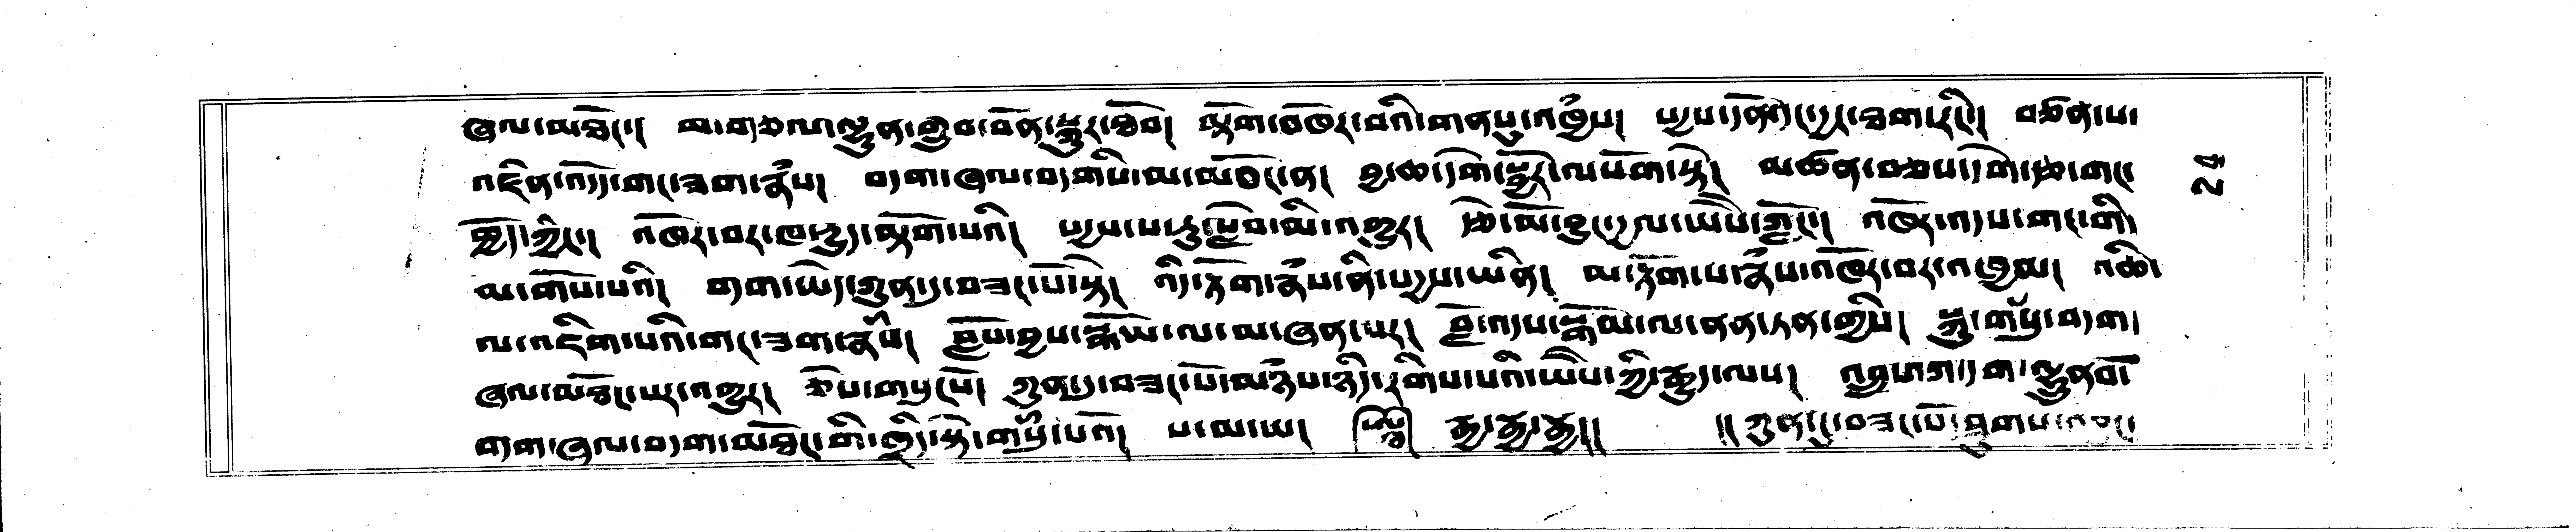ཞལ་མཐོང་། མ་བརྩལ་ལྷུན་བོན་སྐུར་ཐོབ། མ་རྟོགས་འཁོར་བའི་གནས་སུ་འཁྱམས། སངས་རྒྱས་དོན་དང་རྒྱང་ཐག་རིང་། བཙ་ན་པ་
འཛིན་འདོད་གང་ཟག་རྣམས། བདག་ཞལ་བདག་གིས་མ་མཐོང་ན། བྱ་ཆ་དགེ་སྦྱོར་ལ་སོགས་ཏེ། མཚན་བཅས་དགེ་རྩ་གང་
སྤྱོད་ཀྱང་། འཁོར་བར་ཁ་བརྒྱུད་མ་རྟོགས་པའི། སངས་རྒྱས་ས་རུ་སླེབས་མི་འགྱུར། རྩེ་མོ་བྱུང་རྒྱལ་ཡེ་ཤེས་ཀློང་། འཁོར་འདས་གང་གི་
མ་གོས་པའི། བདག་མེད་ཀུན་ཏུ་བཟང་པོ་སྟེ། འདི་རྟོགས་རྣམས་ནི་སངས་རྒྱས་ཡིན། མ་རྟོགས་པ་རྣམས་འཁོར་བར་འཁྱམས། འཆི་
ལ་འཇིགས་པའི་གང་ཟག་རྣམས། བློས་བྱས་སྒོམ་ལ་མ་ཞན་པར། བློ་འདས་སྒོམ་ལ་ནན་ཏན་གྱིས། སྐུ་གསུམ་བདག་
ཞལ་མཐོང་བར་འགྱུར། ཅེས་གསུངས་སོ། ཀུན་ཏུ་བཟང་པོ་མཉམ་པ་ཉིད་རིགས་པའི་ཡེ་ཤེས་ཀྱི་རྒྱུད་ལས། འབྲས་བུ་ཀ་དག་ལྷུན་གྲུབ་
བདག་ཞལ་བདག་མཐོང་གིོ་ཁྲིད་སྟེ་གསུམ་པའོ། །ས་མ་ཡ། ༼ཨྠཾ༽རྒྱ་རྒྱ་རྒྱ།། །།ཀུན་ཏུ་བཟང་པོ་ཤུགས་འཆང་